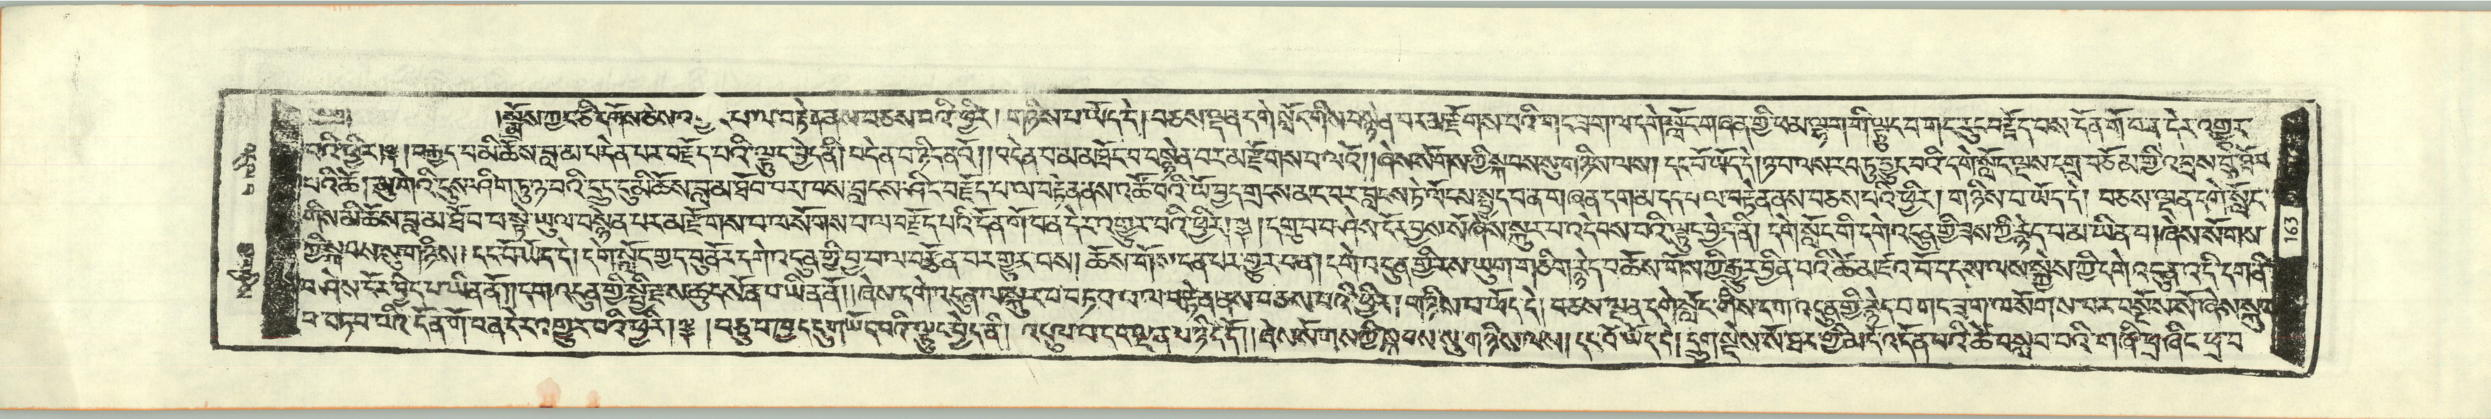༄༅། །སྨྲོས་ཀྱང་ཅི་དགོས་ཅེས་འགྱད་པ་ལ་བརྟེན་ནས་བཅས་པའི་ཕྱིར། གཉིས་པ་ཡོད་དེ། བཅས་ལྡན་དགེ་སློང་གིས་བསྙེན་པར་མ་རྫོགས་པའི་གང་ཟག་ལ་དགེ་སློང་གཞན་གྱི་ཕམ་ལྷག་གི་ལྟུང་བ་གང་རུང་བརྗོད་པས་དོན་གོ་བ་ན་དེར་འགྱུར་
བའི་ཕྱིར། ༈ །བརྒྱད་པ་མི་ཆོས་བླ་མ་བདེན་པར་བརྗོད་པའི་ལྟུང་བྱེད་ནི། བདེན་པ་ཉིད་ནའོ། །བདེན་པ་མ་མཐོང་བ་བསྙེན་བར་མ་རྫོགས་བ་ལའོ། །ཞེས་སོགས་ཀྱི་སྐབས་སུ་གཉིས་ལས། དང་པོ་ཡོད་དེ། ཉ་བ་ལས་རབ་ཏུ་བྱུང་བའི་དགེ་སློང་ལྔས་དགྲ་བཅོམ་གྱི་འབྲས་བུ་ཐོབ་
པའི་ཚེ། མུ་གེའི་དུས་ཤིག་ཏུ་ཉ་བའི་དྲུང་དུ་མི་ཆོས་བླ་མ་ཐོབ་བར་ཁས་བླངས་ཤིང་བརྗོད་པ་ལ་བརྟེན་ནས་འཚོ་བའི་ཡོ་བྱད་གྲངས་མང་བར་བླངས་ཏེ་ལོངས་སྤྱད་བ་ན་གཞན་དག་མ་དད་པ་ལ་བརྟེན་ནས་བཅས་པའི་ཕྱིར། གཉིས་པ་ཡོད་དེ། བཅས་ལྡན་དགེ་སློང་
གིས་མི་ཆོས་བླ་མ་ཐོབ་པ་སྟེ་ཡུལ་བསྙེན་པར་མ་རྫོགས་བ་ལ་སོགས་བ་ལ་བརྗོད་པའི་དོན་གོ་བ་ན་དེར་འགྱུར་བའི་ཕྱིར། ༈ །དགུ་པ་བཤེས་ངོར་བྱས་སོ་ཞེས་སྐུར་པ་འདེབས་པའི་ལྟུང་བྱེད་ནི། དགེ་སློང་གི་དགེ་འདུན་གྱི་ཟས་ཀྱི་རྙེད་པ་མ་ཡིན་པ། ཞེས་སོགས་
ཀྱི་སྐབས་སུ་གཉིས། དང་པོ་ཡོད་དེ། དགེ་སློང་གྱད་བུ་ནོར་དགེ་འདུན་གྱི་བྱ་བ་ལ་བརྩོན་པར་གྱུར་བས། ཆོས་གོས་ངན་པར་གྱུར་བ་ན། དགེ་འདུན་གྱི་རས་ཡུག་གཅིག་རྙེད་བ་ཆོས་གོས་ཀྱི་རྒྱུར་བྱིན་པའི་ཚེ་མཛའ་བོ་དད་ས་ལས་སྐྱེས་ཀྱི་དགེ་འདུན་འདི་དག་ནི་
བཤེས་ངོར་བྱེད་པ་ཡིན་ནོ། །དག་འདུན་གྱི་སྤྱི་རྫས་ཆུད་སོན་པ་ཡིན་ནོ། །ཞེས་དགེ་འདུན་ལ་སྐུར་བ་བཏབ་པ་ལ་བརྟེན་ནས་བཅས་པའི་ཕྱིར། གཉིས་པ་ཡོད་དེ། བཅས་ལྡན་དགེ་སློང་གིས་དག་འདུན་གྱི་རྙེད་བ་གང་ཟག་ལ་སོགས་པར་བསྔོས་སོ་ཞེས་སྐུར་
བ་བཏབ་པའི་དོན་གོ་བ་ན་དེར་འགྱུར་བའི་ཕྱིར། ༈ །བཅུ་བ་ཁྱད་དུ་གཡོད་པའི་ལྟུང་བྱེད་ནི། འདུལ་བ་དང་ལྡན་པ་ཉིད་དོ། །ཞེས་སོགས་ཀྱི་སྐབས་སུ་གཉིས་ལས། དང་པོ་ཡོད་དེ། དྲུག་སྡེས་སོ་ཐར་གྱི་མདོ་འདོན་པའི་ཚེ་བསླབ་བའི་གཞི་ཕྲ་ཞིང་ཕྲ་བ་